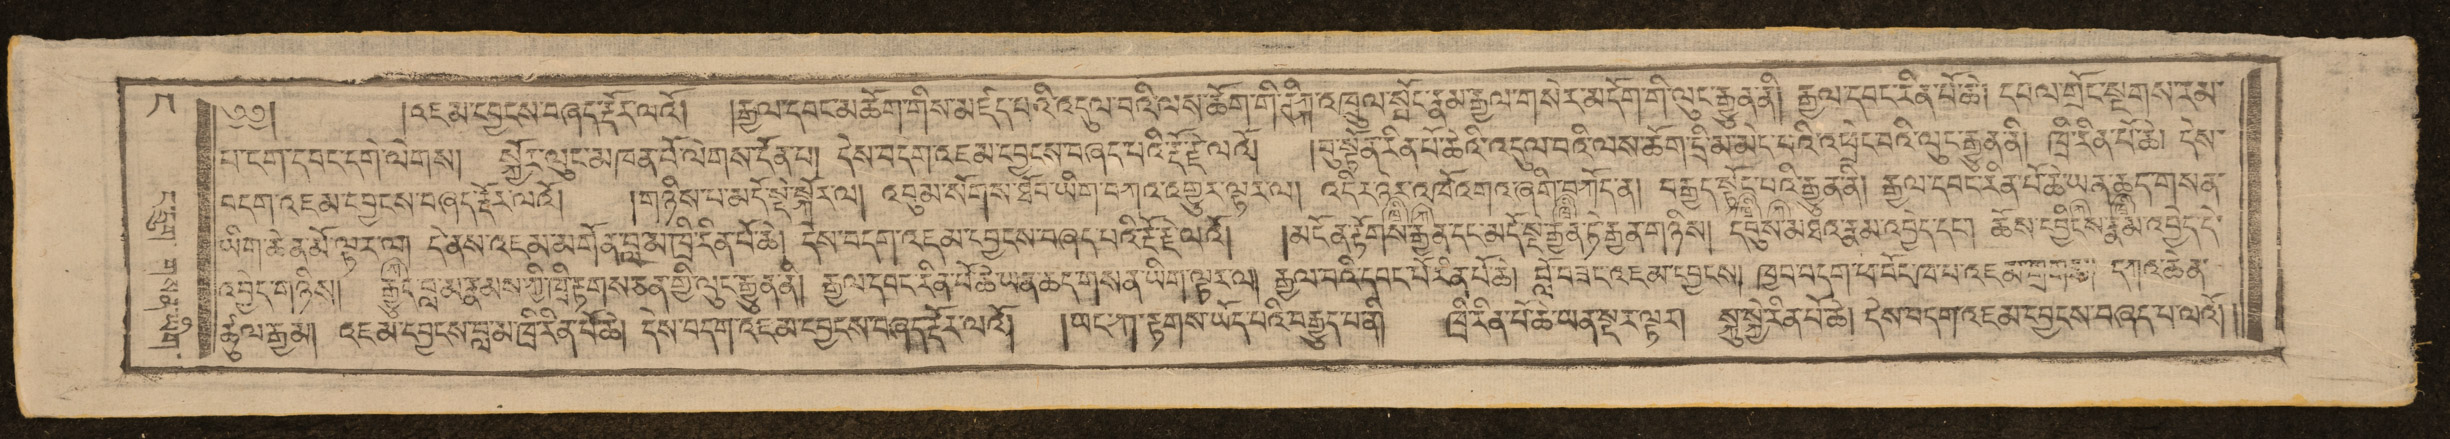༄༅། །འཇམ་དབྱངས་བཞད་རྡོར་ལའོ། །རྒྱལ་དབང་མཆོག་གིས་མཛད་པའི་འདུལ་བའི་ལས་ཆོག་གི་ཊིཀྐ་འཁྲུལ་སྤོང་རྣམ་རྒྱལ་གསེར་མདོག་གི་ལུང་རྒྱུན་ནི། རྒྱལ་དབང་རིན་པོ་ཆེ། དཔལ་གྲོང་སྔགས་རམ་
པ་ངག་དབང་དགེ་ལེགས། སྐྱོར་ལུང་མཁན་པོ་ལེགས་དོན་པ། དེས་བདག་འཇམ་དབྱངས་བཞད་པའི་རྡོ་རྗེ་ལའོ། །བུ་སྟོན་རིན་པོ་ཆེའི་འདུལ་བའི་ལས་ཆོག་དྲི་མ་མེད་པའི་འཕྲེང་བའི་ལུང་རྒྱུན་ནི། ཁྲི་རིན་པོ་ཆེ། དེས་
བདག་འཇམ་དབྱངས་བཞད་རྡོར་ལའོ། །གཉིས་པ་མདོ་སྡེ་སྐོར་ལ། འབུམ་སོགས་ཐོབ་ཡིག་བཀའ་འགྱུར་ལྟར་ལ། འདིར་ཉེར་འཁོ་འགའ་ཞིག་བཀོད་ན། བརྒྱད་སྟོད་པའི་རྒྱུན་ནི། རྒྱལ་དབང་རིན་པོ་ཆེ་ཡན་ཆད་གསན་
ཡིག་ཆེན་མོ་ལྟར་ལ། དེ་ནས་འཇམ་མགོན་བླ་མ་ཁྲི་རིན་པོ་ཆེ། དེས་བདག་འཇམ་དབྱངས་བཞད་པའི་རྡོ་རྗེ་ལའོ། །མངོན་རྟོགས་རྒྱན་དང་མདོ་སྡེ་རྒྱན་ཏེ་རྒྱན་གཉིས། དབུས་མཐའ་རྣམ་དབྱེད་དང་། ཆོས་དབྱིངས་རྣམ་འབྱེད་དེ་
འབྱེད་གཉིས། རྒྱུད་བླ་མ་རྣམས་ཀྱི་ཁྲི་རྟགས་ཅན་གྱི་ལུང་རྒྱུན་ནི། རྒྱལ་དབང་རིན་པོ་ཆེ་ཡན་ཆད་གསན་ཡིག་ལྟར་ལ། རྒྱལ་བའི་དབང་པོ་རིན་པོ་ཆེ། བློ་བཟང་འཇམ་དབྱངས། ཁྱབ་བདག་ཕ་བོང་ཁབ་འཇམ་གྲགས། དཀའ་ཆེན་
ཚུལ་རྒྱམ། འཇམ་དབྱངས་བླ་མ་ཁྲི་རིན་པོ་ཆེ། དེས་བདག་འཇམ་དབྱངས་བཞད་རྡོར་ལའོ། །ཡང་ཀ་རྟགས་ཡོད་པའི་བརྒྱུད་པ་ནི། ཁྲི་རིན་པོ་ཆེ་ཡན་སྔར་ལྟར། སྐུ་སྐྱེ་རིན་པོ་ཆེ། དེས་བདག་འཇམ་དབྱངས་བཞད་པ་ལའོ། །